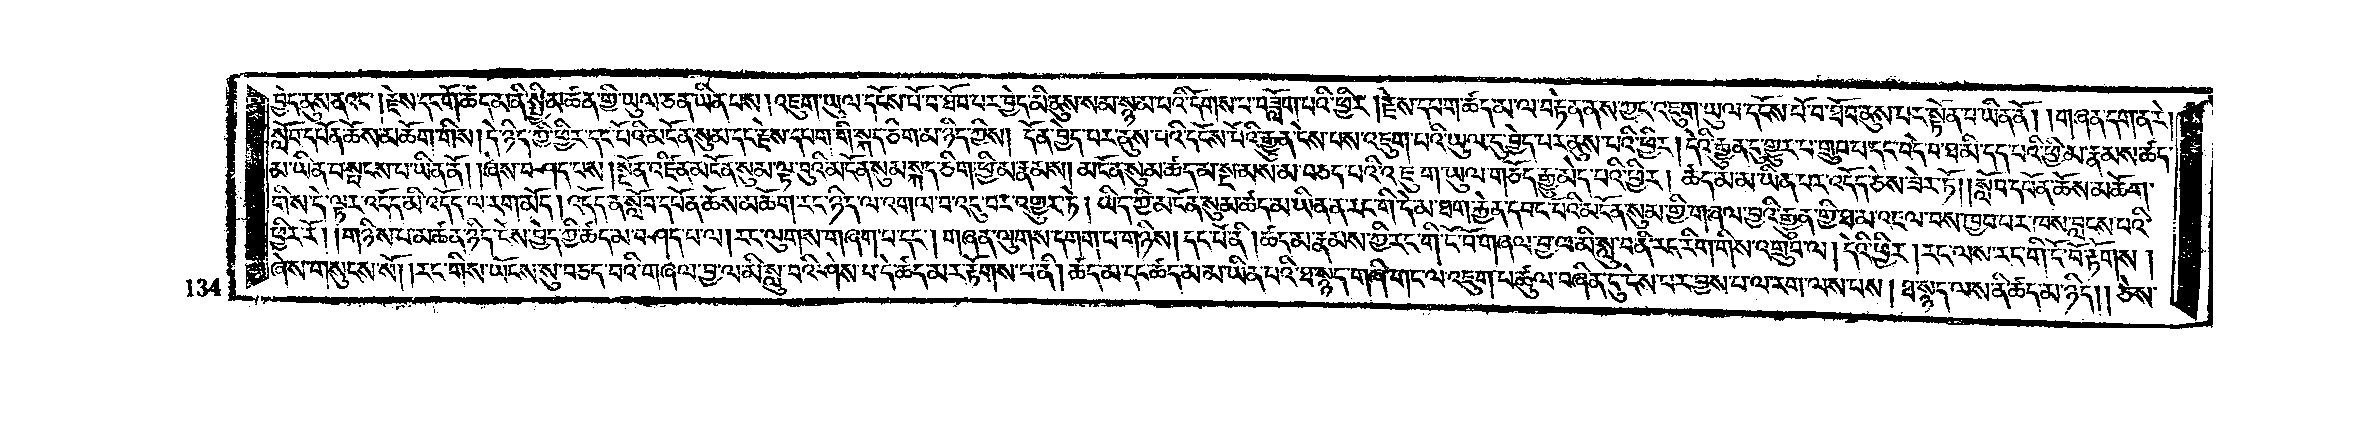བྱེད་ནུས་ནའང་། རྗེས་དཔག་ཚད་མ་ནི་སྤྱི་མཚན་གྱི་ཡུལ་ཅན་ཡིན་པས། འཇུག་ཡུལ་དངོས་པོ་བ་ཐོབ་པར་བྱེད་མི་ནུས་སམ་སྙམ་པའི་དོགས་པ་བཟློག་པའི་ཕྱིར། རྗེས་དཔག་ཚད་མ་ལ་བརྟེན་ནས་ཀྱང་འཇུག་ཡུལ་དངོས་པོ་བ་ཐོབ་ནུས་པར་སྟོན་པ་ཡིན་ནོ། །གཞན་དག་ན་རེ།
སློབ་དཔོན་ཆོས་མཆོག་གིས། དེ་ཉིད་ཀྱི་ཕྱིར་དང་པོའི་མངོན་སུམ་དང་རྗེས་དཔག་གི་སྐད་ཅིག་མ་ཉིད་ཀྱིས། དོན་བྱེད་པར་ནུས་པའི་དངོས་པོའི་རྒྱུན་ངེས་པས་འཇུག་པའི་ཡུལ་དུ་བྱེད་པར་ནུས་པའི་ཕྱིར། དེའི་རྒྱུན་དུ་གྱུར་པ་གྲུབ་པ་དང་བདེ་བ་ཐ་མི་དད་པའི་ཕྱི་མ་རྣམས་ཚད་
མ་ཡིན་པ་སྤངས་པ་ཡིན་ནོ། །ཞེས་བཤད་པས། སྔོན་འཛིན་མངོན་སུམ་ལྟ་བུའི་མངོན་སུམ་སྐད་ཅིག་ཕྱི་མ་རྣམས། མངོན་སུམ་ཚད་མ་སྔ་མས་མ་བཅད་པའི་འཇུག་ཡུལ་གཅོད་རྒྱུ་མེད་པའི་ཕྱིར། ཚད་མ་མ་ཡིན་པར་འདོད་ཅེས་ཟེར་ཏོ། །སློབ་དཔོན་ཆོས་མཆོག་
གིས་དེ་ལྟར་འདོད་མི་འདོད་ལ་རག་མོད། འདོད་ན་སློབ་དཔོན་ཆོས་མཆོག་རང་ཉིད་ལ་འགལ་བ་འདུ་བར་འགྱུར་ཏེ། ཡིད་ཀྱི་མངོན་སུམ་ཚད་མ་ཡིན་ན་རང་གི་དེ་མ་ཐག་རྐྱེན་དབང་པོའི་མངོན་སུམ་གྱི་གཞལ་བྱའི་རྒྱུན་གྱི་ཐ་མ་འཇལ་བས་ཁྱབ་པར་ཁས་བླངས་པའི་
ཕྱིར་རོ། །གཉིས་པ་མཚན་ཉིད་ངེས་བྱེད་ཀྱི་ཚད་མ་བཤད་པ་ལ། རང་ལུགས་གཞག་པ་དང་། གཞན་ལུགས་དགག་པ་གཉིས། དང་པོ་ནི། ཚད་མ་རྣམས་ཀྱི་རང་གི་ངོ་བོ་གཞལ་བྱ་ལ་མི་སླུ་བ་ནི་རང་རིག་གིས་འགྲུབ་ལ། དེའི་ཕྱིར། རང་ལས་རང་གི་ངོ་བོ་རྟོགས།
ཞེས་གསུངས་སོ། །རང་གིས་ཡོངས་སུ་བཅད་པའི་གཞལ་བྱ་ལ་མི་སླུ་བའི་ཤེས་པ་དེ་ཚད་མར་རྟོགས་པ་ནི། ཚད་མ་དང་ཚད་མ་མ་ཡིན་པའི་ཐ་སྙད་གཞི་གང་ལ་འཇུག་པ་ཚུལ་བཞིན་དུ་ངེས་པར་བྱས་པ་ལ་རག་ལས་པས། ཐ་སྙད་ལས་ནི་ཚད་མ་ཉིད། །ཅེས་